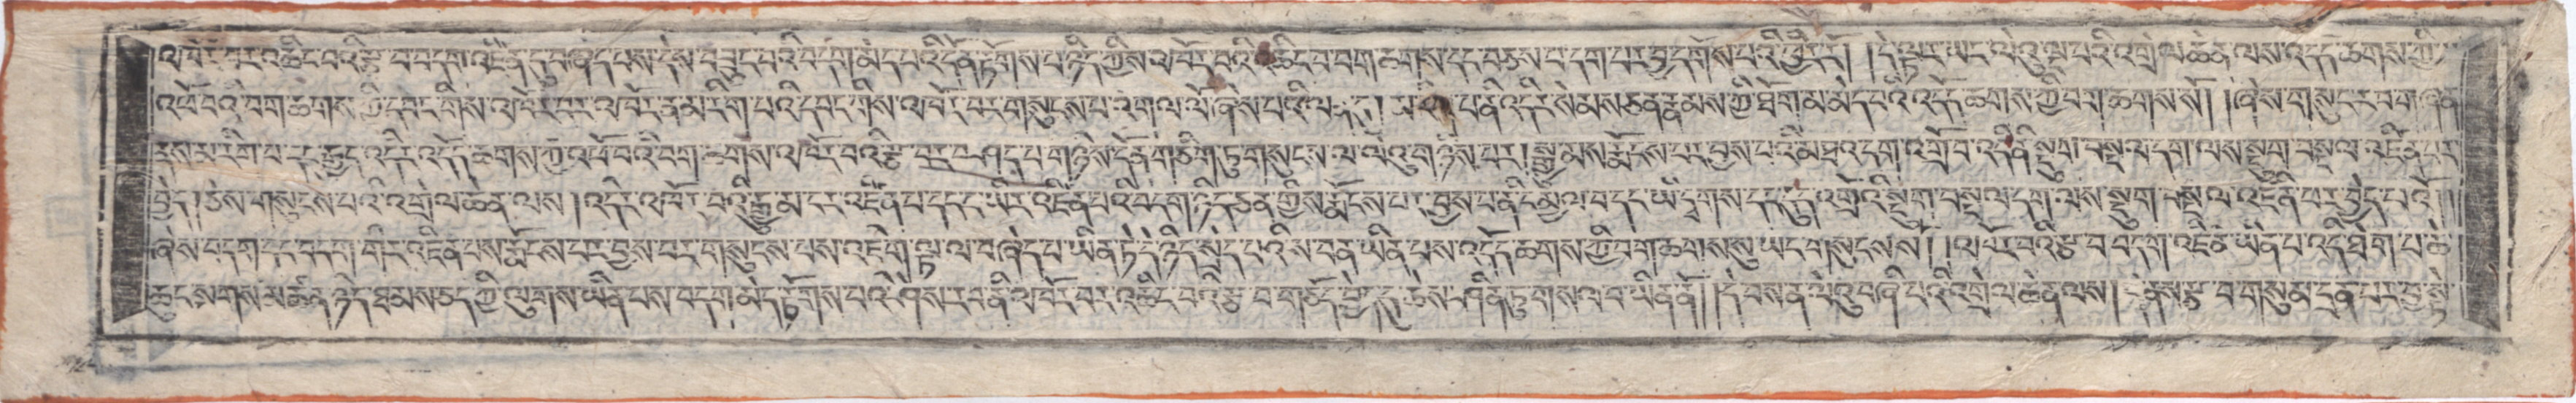འཁོར་བར་འཆིང་བའི་རྩ་བ་བདག་འཛིན་དུ་བཞེད་པས་དེས་བཟུང་བའི་བདག་མེད་པའི་དོན་རྟོགས་པ་ཉིད་ཀྱིས་འཁོར་བའི་འཆིང་བ་བག་ཆགས་དང་བཅས་པ་དག་པར་བྱ་དགོས་པའི་ཕྱིར་རོ། །དེ་ལྟར་ཡང་ལེའུ་ལྔ་པའི་འགྲེལ་ཆེན་ལས་འདོད་ཆགས་ཀྱི་
འཕོ་བའི་བག་ཆགས་ཀྱི་དབང་གིས་འཁོར་བར་འཁོར་ན་མ་རིག་པའི་དབང་གིས་འཁོར་བར་གསུངས་པ་འགལ་ལོ་ཞེས་པའི་ལན་དུ། མ་རིག་པ་ནི་འདིར་སེམས་ཅན་རྣམས་ཀྱི་ཐོག་མ་མེད་པའི་འདོད་ཆགས་ཀྱི་བག་ཆགས་སོ། །ཞེས་གསུང་རབ་གཞན་
ནས་མ་རིག་པ་དང་རྒྱུད་འདིར་འདོད་ཆགས་ཀྱི་འཕོ་བའི་བག་ཆགས་འཁོར་བའི་རྩ་བར་བཤད་པ་གཉིས་དོན་གཅིག་ཏུ་གསུངས་ལ་ལེའུ་གཉིས་པར། སྒྱུ་མས་རྨོངས་པར་བྱས་པའི་མཐའ་དག་འགྲོ་བ་འདི་ནི་སྡུག་བསྔལ་དག་ལས་སྡུག་བསྔལ་འཛིན་པར་
བྱེད། ཅེས་གསུངས་པའི་འགྲེལ་ཆེན་ལས། འདིར་འཁོར་བའི་རྒྱུ་མ་ངར་འཛིན་པ་དང་ང་ཡིར་འཛིན་པའི་བདག་ཉིད་ཅན་གྱིས་རྨོངས་པར་བྱས་པ་ནི་དམྱལ་བ་དང་ཡི་དྭགས་དང་དུད་འགྲོའི་སྡུག་བསྔལ་དག་ལས་སྡུག་བསྔལ་འཛིན་པར་བྱེད་པའོ། །
ཞེས་བདག་དང་བདག་གིར་འཛིན་པས་རྨོངས་པར་བྱས་པར་གསུངས་པས་འཇིག་ལྟ་ལ་བཞེད་པ་ཡིན་ཏེ་དེ་ཉིད་སྲེད་པའི་ས་བོན་ཡིན་པས་འདོད་ཆགས་ཀྱི་བག་ཆགས་སུ་ཡང་གསུངས་སོ། །འཁོར་བའི་རྩ་བ་བདག་འཛིན་ཡིན་པ་འདི་ཐེག་པ་ཆེ་
ཆུང་སྔགས་མཚན་ཉིད་ཐམས་ཅད་ཀྱི་ལུགས་ཡིན་པས་བདག་མེད་རྟོགས་པའི་ཤེས་རབ་ནི་འཁོར་བར་འཆིང་བའི་རྩ་བ་གཅོད་བྱེད་དུ་ཆེས་ཤིན་ཏུ་གསལ་བ་ཡིན་ནོ། །དེ་བས་ན་ལེའུ་བཞི་པའི་འགྲེལ་ཆེན་ལས། དེ་ནས་རྩ་བ་གསུམ་དྲན་པར་བྱ་སྟེ་